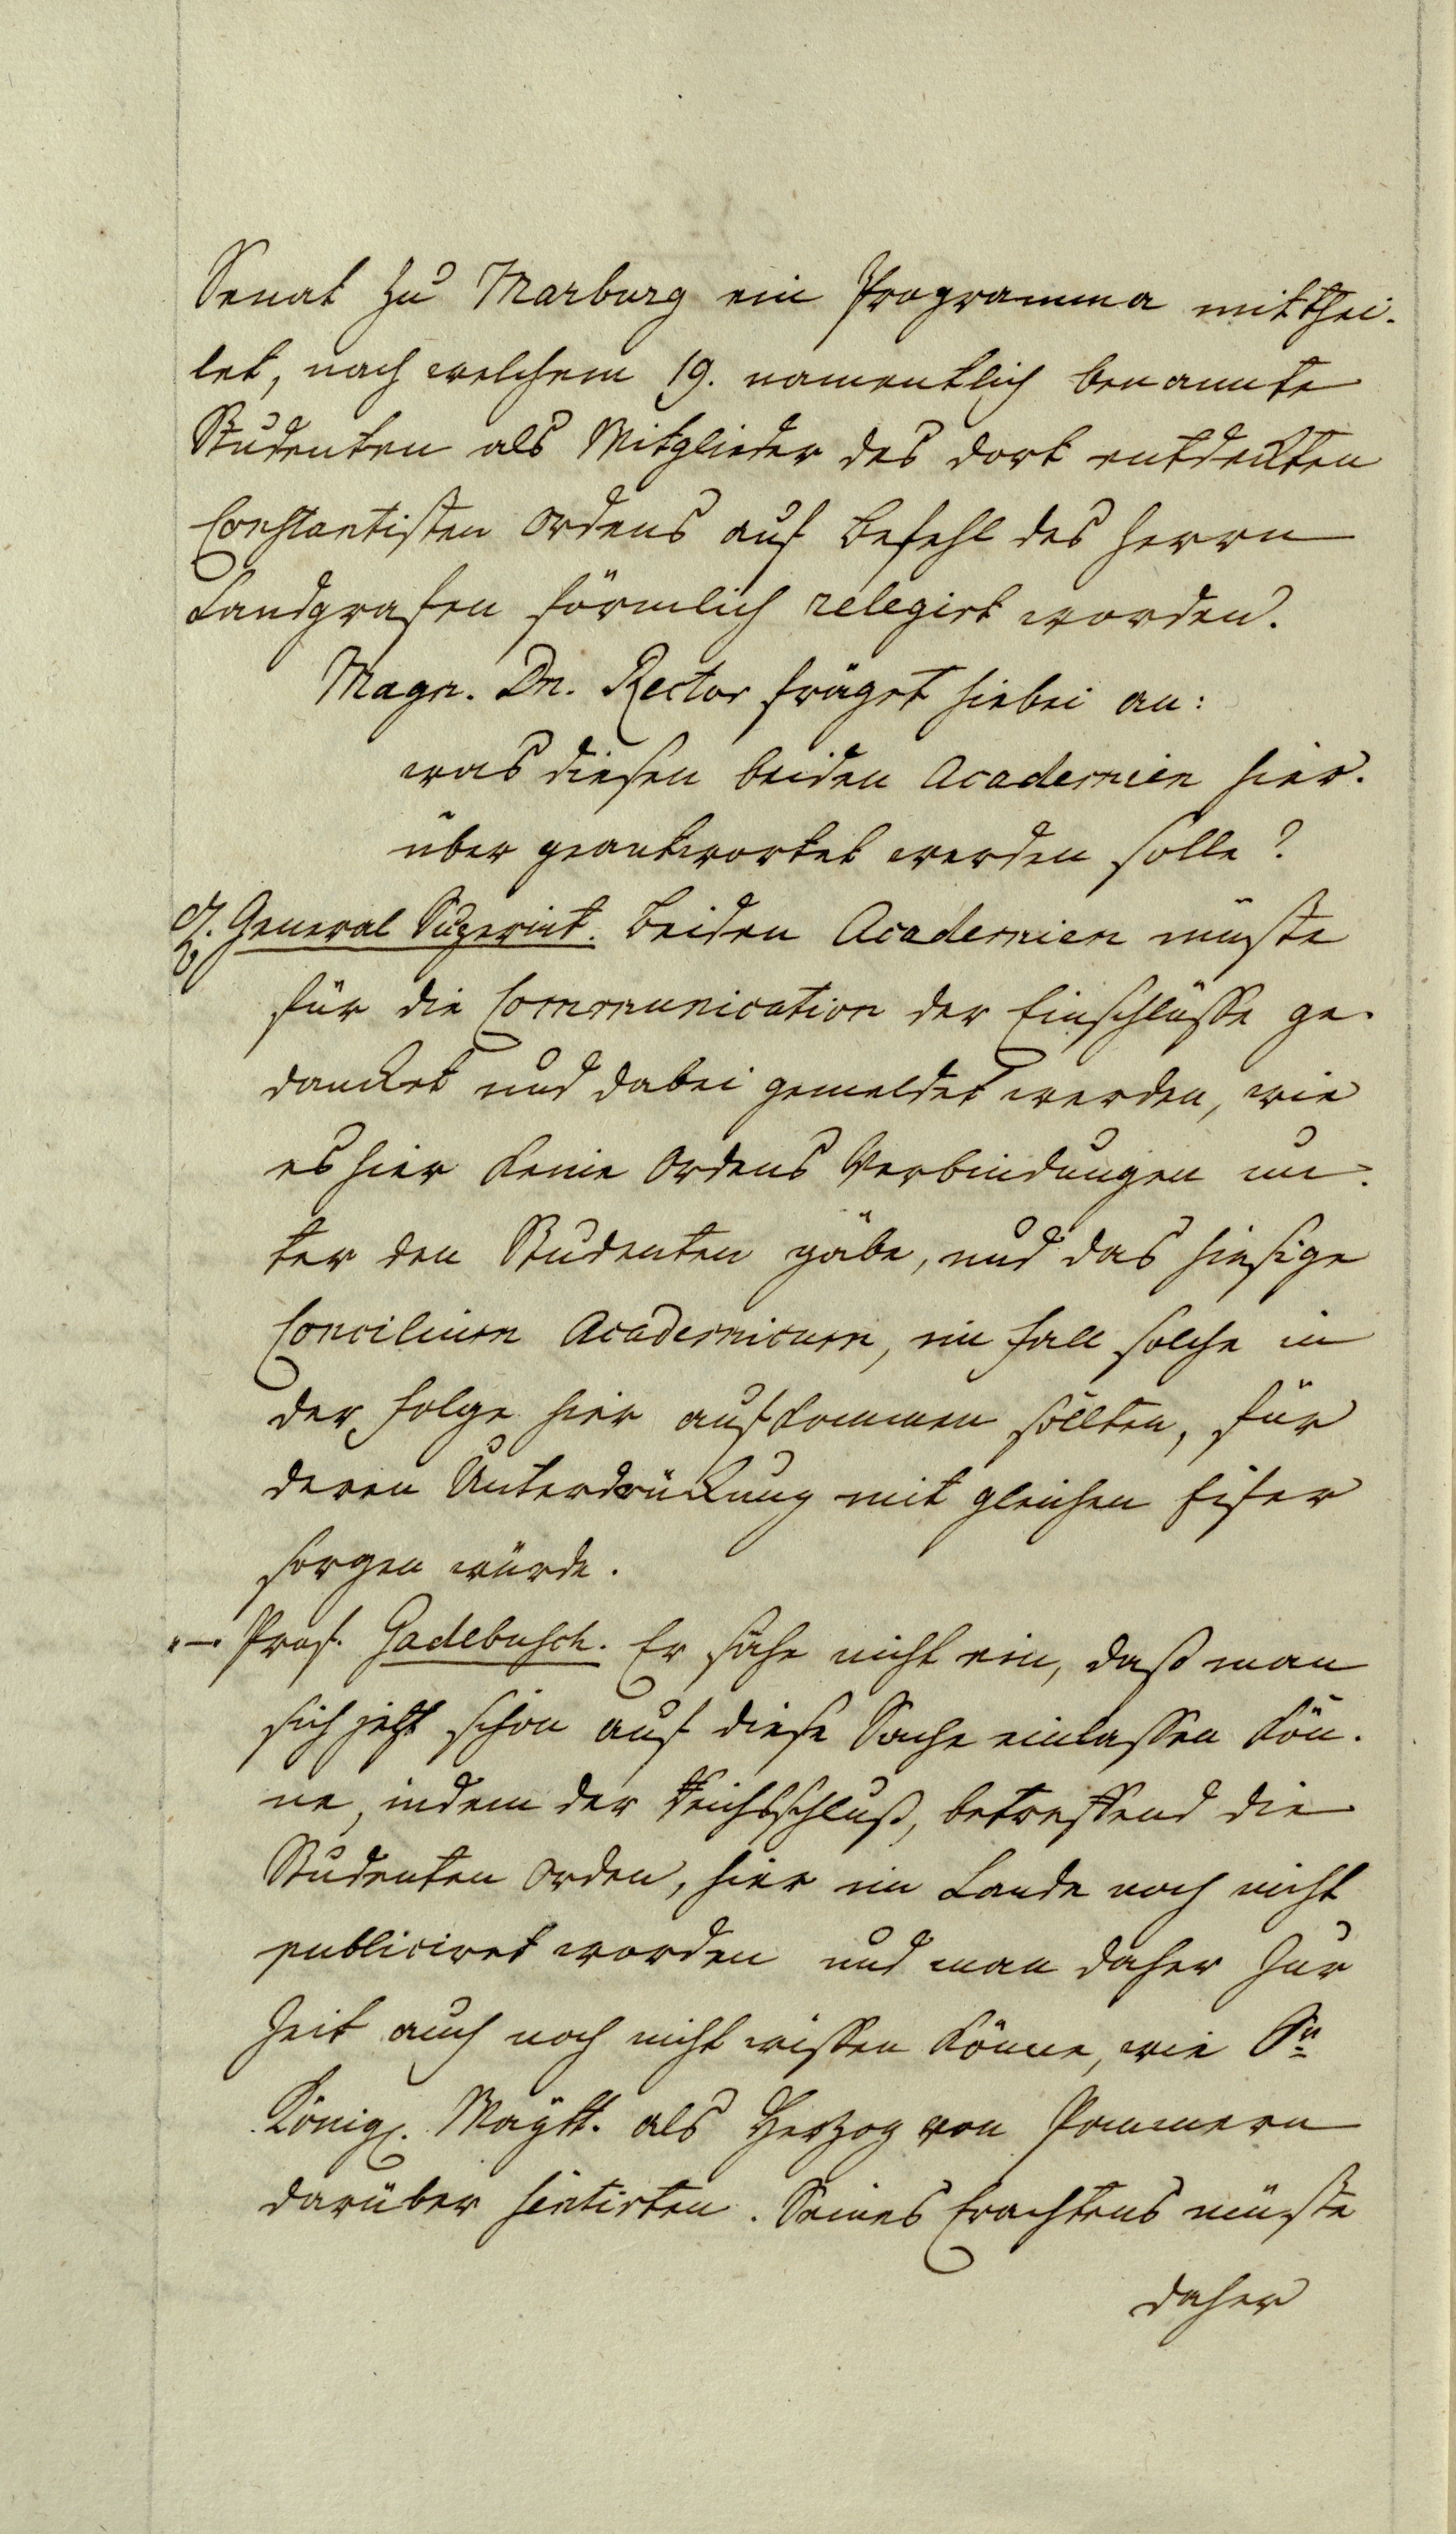Senat zu Marburg ein Programma mitthei¬
let, nach welchem 19. namentlich benannte
Studenten als Mitglieder des dort entdeckten
Constantisten Ordens auf Befehl des Herrn
Landgrafen förmlich relegirt worden.
Magn. Dn. Rector fräget hiebei an:
was diesen beiden Academien hier¬
über geantwortet werden solle?
dh. General Superint. Beiden Academien müsste
für die Communication der Einschlüsse ge¬
dancket und dabei gemeldet werden, wie
es hier keine Ordens Verbindungen un¬
ter den Studenten gäbe, und das hiesige
Concilium Academicum, im Fall solche in
der Folge hier aufkommen sollten, für
deren Unterdrückung mit gleichen Eifer
sorgen würde.
" — " Prof. Gadebusch. Er sähe nicht ein, daß man
sich jetzt schon auf diese Sache einlassen kön¬
ne, indem der Reichsschluß, betreffend die
Studenten Orden, hier im Lande noch nicht
publiciret worden und man daher zur
Zeit auch noch nicht wissen könne, wie Sr.
Königl. Maÿst. als Herzog von Pommern
darüber sentirten. Seines Erachtens müsste
daher